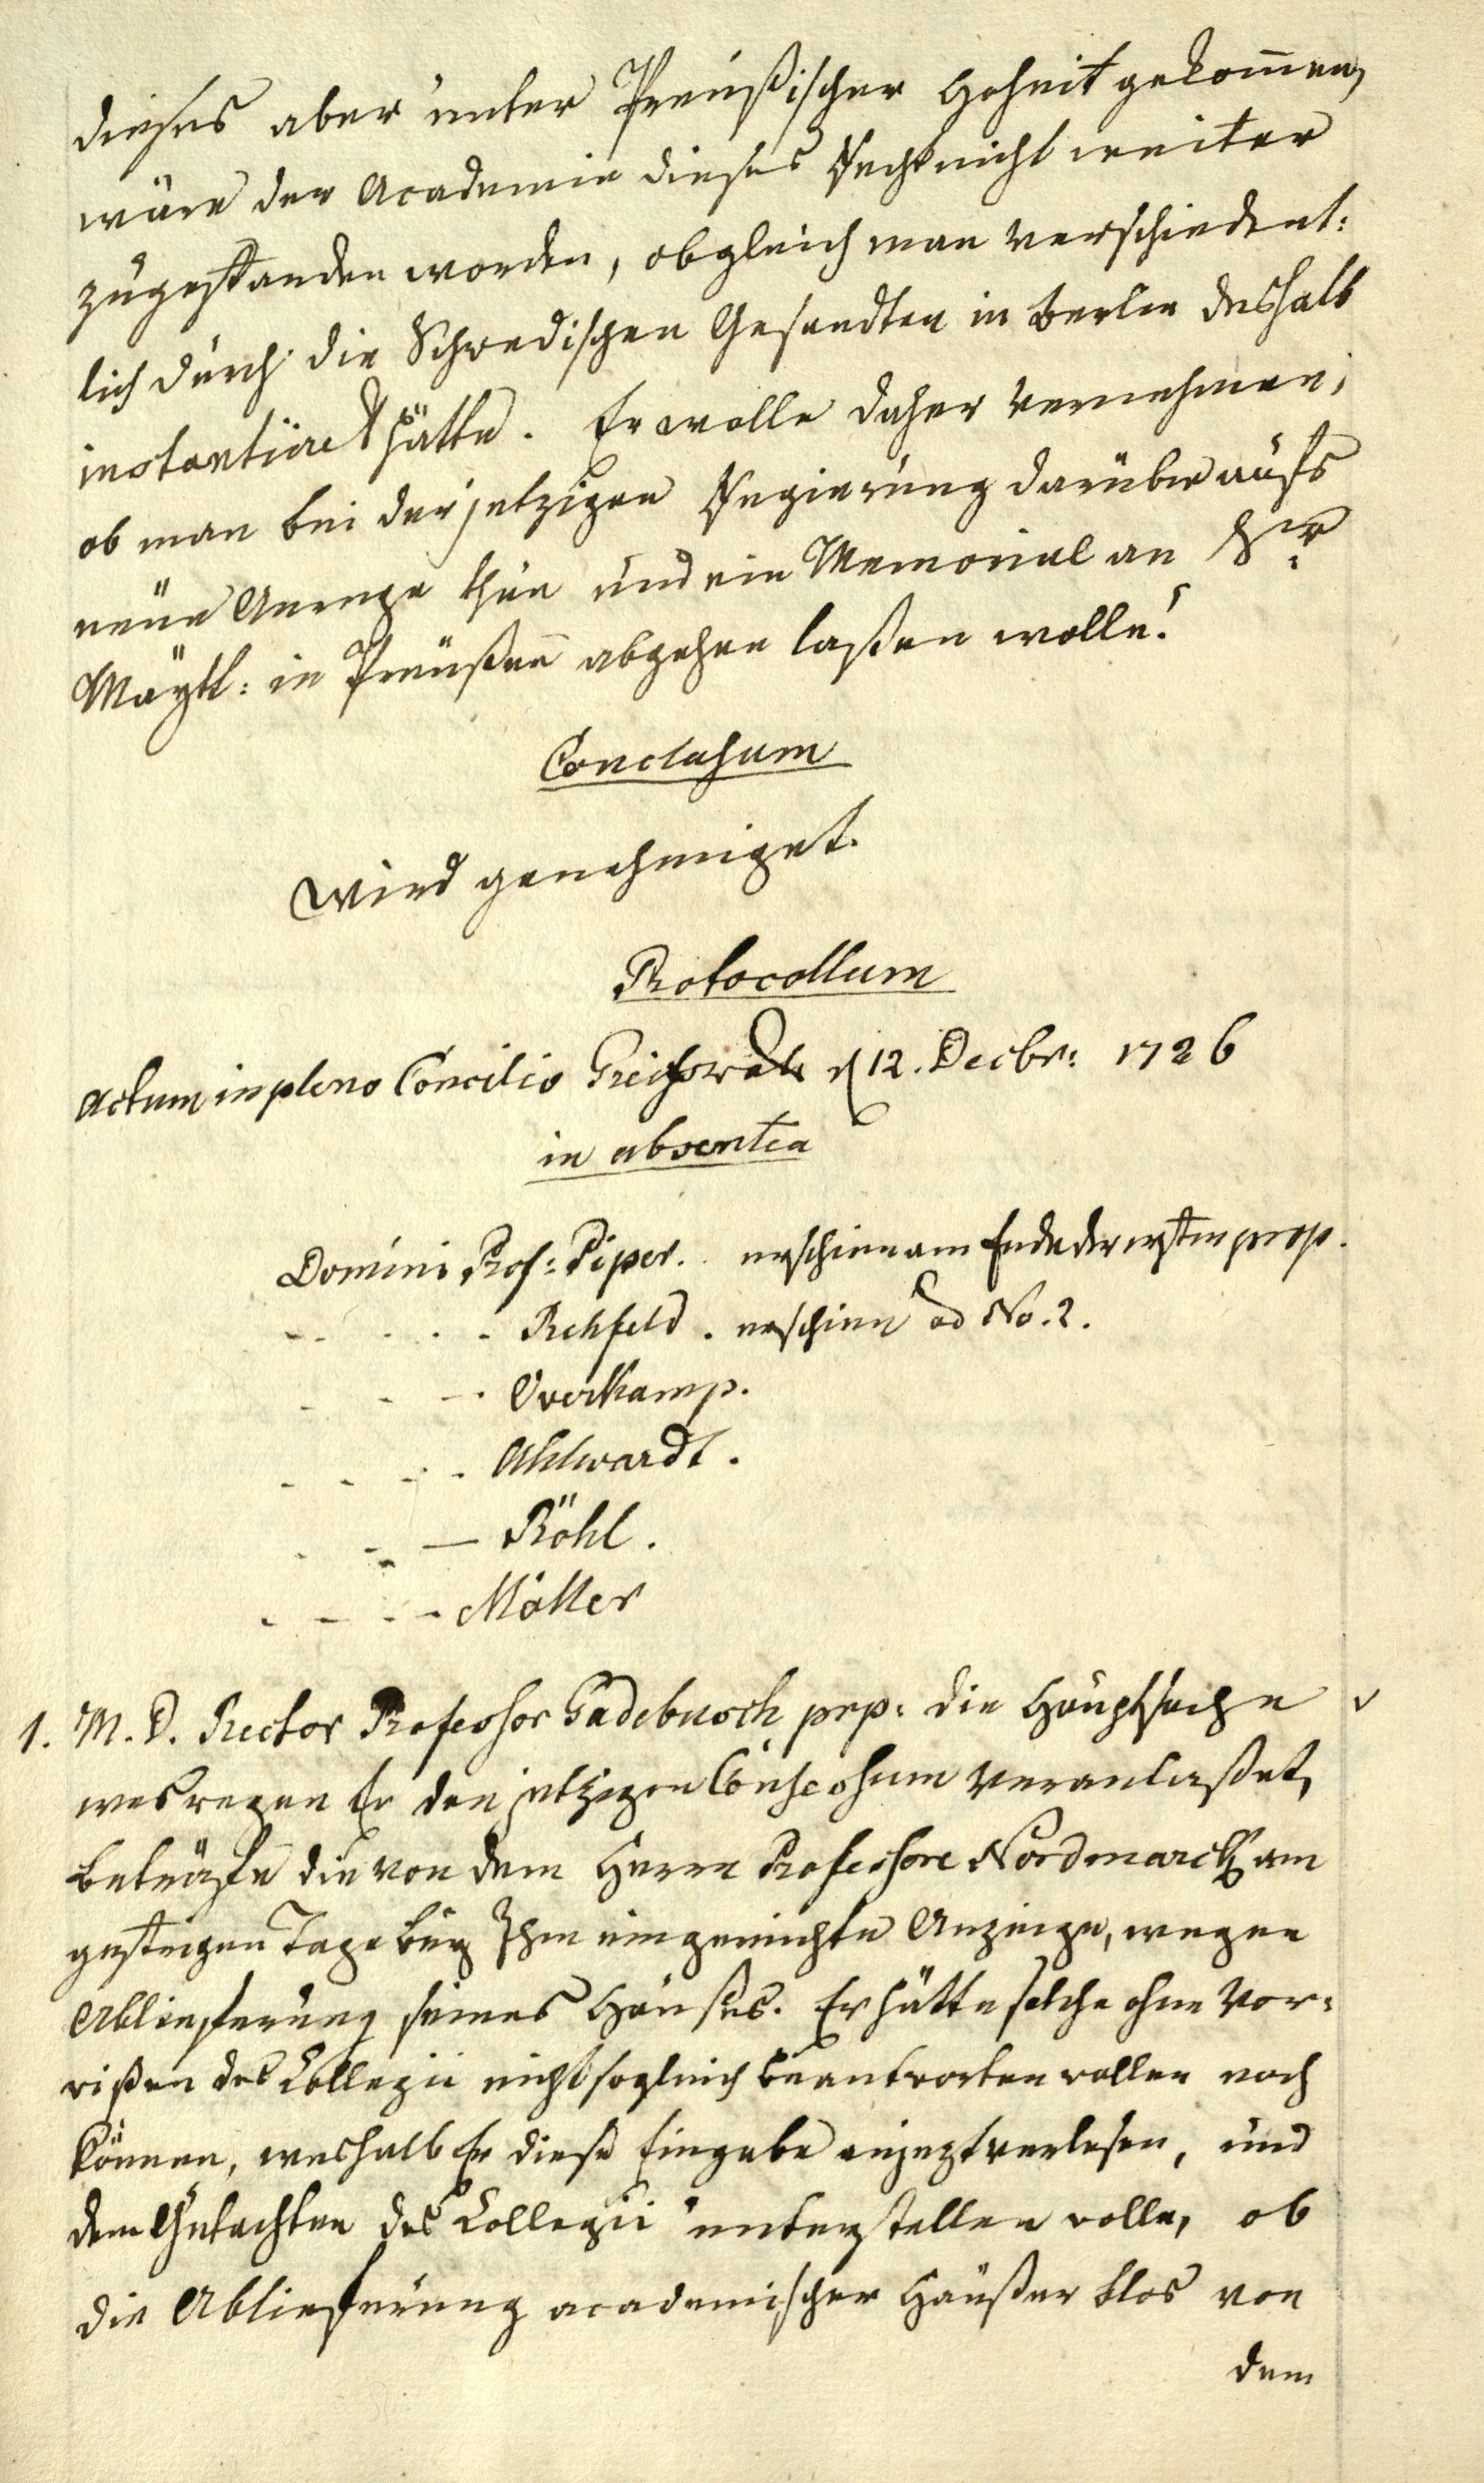dieses aber unter Preußischer Hoheit gekomen,
wäre der Academie dieses Recht nicht weiter
zugestanden worden, obgleich man verschiedent¬
lich durch die Schwedischen Gesandten in Berlin deshalb
instantiiret hätte. Er wolle daher vernehmen,
ob man bei der jetzigen Regierung darüber aufs
neue Anrege thun und ein Memorial an Sr
Maÿtt. in Preußen abgehen laßen wolle?
Conclusum
Wird genehmiget.
Protocollum
Actum in pleno Concilio Greifswald d 12. Decbr. 1786
in absentia
Domini Prof. Piper. erschien am Ende der ersten prop.
Rehfeld erschien ad No 2.
Overkamp.
Ahlwardt.
Röhl.
Möller
1. M. D. Rector Professor Gadebusch prp. die Hauptsache
weswegen Er den jetzigen Consessum veranlaßet,
beträfe die von dem Herrn Professore Nordmarck am
gestrigen Tage beÿ Ihm eingereichte Anzeige, wegen
Ablieferung seines Haußes. Er hätte solche ohne Vor¬
wißen des Collegii nicht sogleich beantworten wollen, noch
können, weshalb Er diese Eingabe anjezt verlesen, und
dem Gutachten des Collegii unterstellen wolle, ob
die Ablieferung academischer Häußer blos von
dem